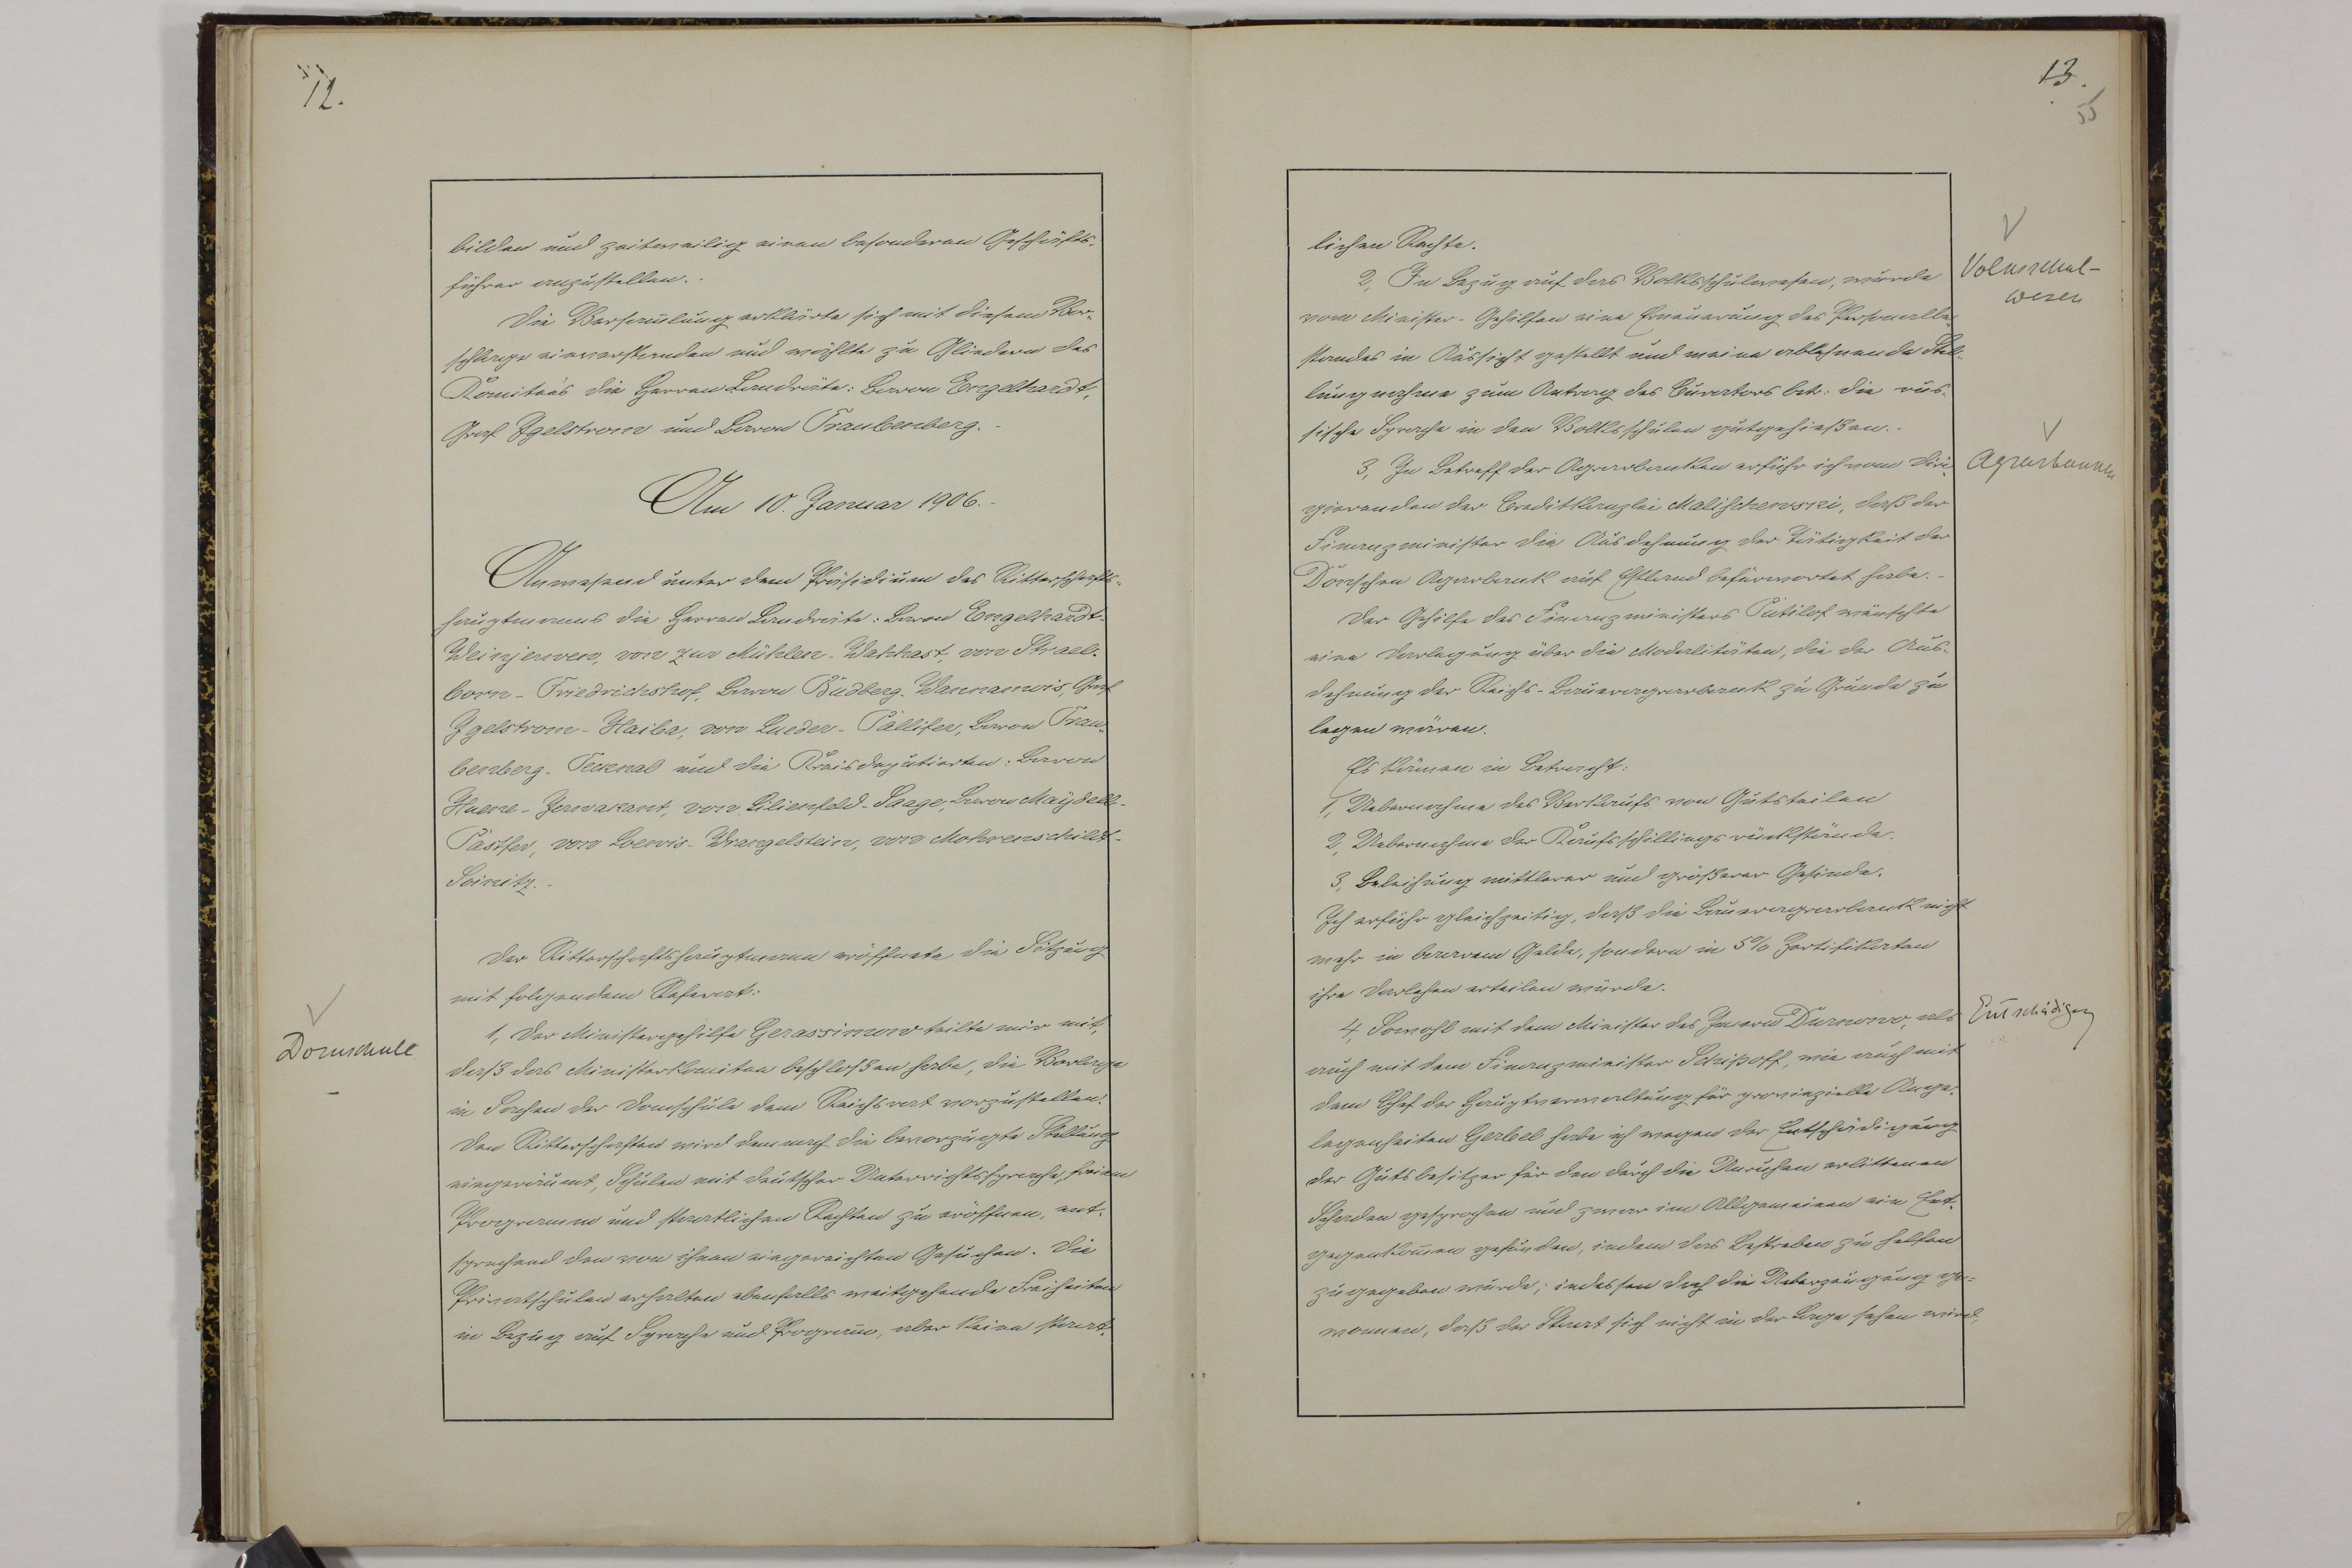Domschule
bilden und zeitweilig einen besonderen Geschäfts-
führer anzustellen
Die Versammlung erklärte sich mit diesem Vor-
schlage einverstanden und wählte zu Gliedern des
Komiteés die Herren Landräte: Baron Engelhardt,
Graf Igelstrom und Baron Traubenberg.
Am 10. Januar 1906
Anwesend unter dem Präsidium des Ritterschafts-
hauptmanns die Herren Landräte: Baron Engelhardt-
Weinjerwen, von zur Mühlen-Wahhast, von Strael-
born-Friedrichshof, Baron Budberg-Wannamois, Graf
Igelstrom-Haiba, von Lueder-Pallifer, Baron Trau-
benberg-Tecknal und die Kreisdeputierten: Baron
Huene-Jerwakant, von Lilienfeld-Saage, Baron Maydell-
Pastfer, von Loewis-Wrangelstein, von Mohrenschildt-
Soinitz.
Der Ritterschaftshauptmann eröffnete die Sitzung
mit folgendem Referat:
1. Der Ministergehilfe Gerassimow teilte mir mit,
daß das Ministerkomitee beschloßen habe, die Vorlage
in Sachen der Domschule dem Reichsrat vorzustellen.
Den Ritterschaften wird demnach die bevorzugte Stellung
eingeräumt, Schulen mit deutscher Unterrichtssprache, freiem
Programm und staatlichen Rechten zu eröffnen ent-
sprechend den von ihnen eingereichten Gesuchen. Die
Privatschulen erhalten ebenfalls weitgehende Freiheiten
in Bezug auf Sprache und Programm, aber keine staat-
lichen Rechte.
2. In Bezug auf das Volksschulwesen wurde
vom Minister-Gehilfen eine Erneuerung des Personalbe-
standes in Aussicht gestellt und meine ablehnende Stel-
lungnahme zum Antrag des Curators betr. die rus-
sische Sprache in den Volksschulen gutgehießen.
3. In Betreff der Agrarbanken erfuhr ich vom Diri-
gierenden der Creditkanzlei Malischewski, daß der
Finanzminister die Ausdehnung der Tätigkeit der
Donschen Agrarbank auf Estland befürwortet habe.
Der Gehilfe des Finanzministers Putilof wünschte
eine Darlegung über die Modalitäten, die der Aus-
dehnung der Reichs-Baueragrarbank zu Grunde zu
legen wären.
Es kämen in Betracht:
1. Uebernahme des Verkaufs von Gutsteilen
2. Uebernahme der Kaufsschillingsrückstände.
3. Beleihung mittlerer und größerer Gesinde.
Ich erfuhr gleichzeitig, dass die Baueragrarbank nicht
mehr in baarem Gelde, sondern in 5% Zertifikaten
ihre Darlehen erteilen würde.
4. Sowohl mit dem Minister des Innern Durnowo als
auch mit dem Finanzminister Schipoff, wie auch mit
dem Chef der Hauptverwaltung für provinzielle Ange-
legenheiten Gerbel habe ich wegen der Entschädigung
der Gutsbesitzer für den durch die Unruhen erlittenen
Schaden gesprochen und zwar im Allgemeinen ein Ent-
gegenkommen gefunden, indem das Bestreben zu helfen
zugegeben wurde; indessen doch die Ueberzeugung ge-
wonnen, daß der Staat sich nicht in der Lage sehen wird,
Volksschul-
wesen
Agrarbanken
Entschädigung